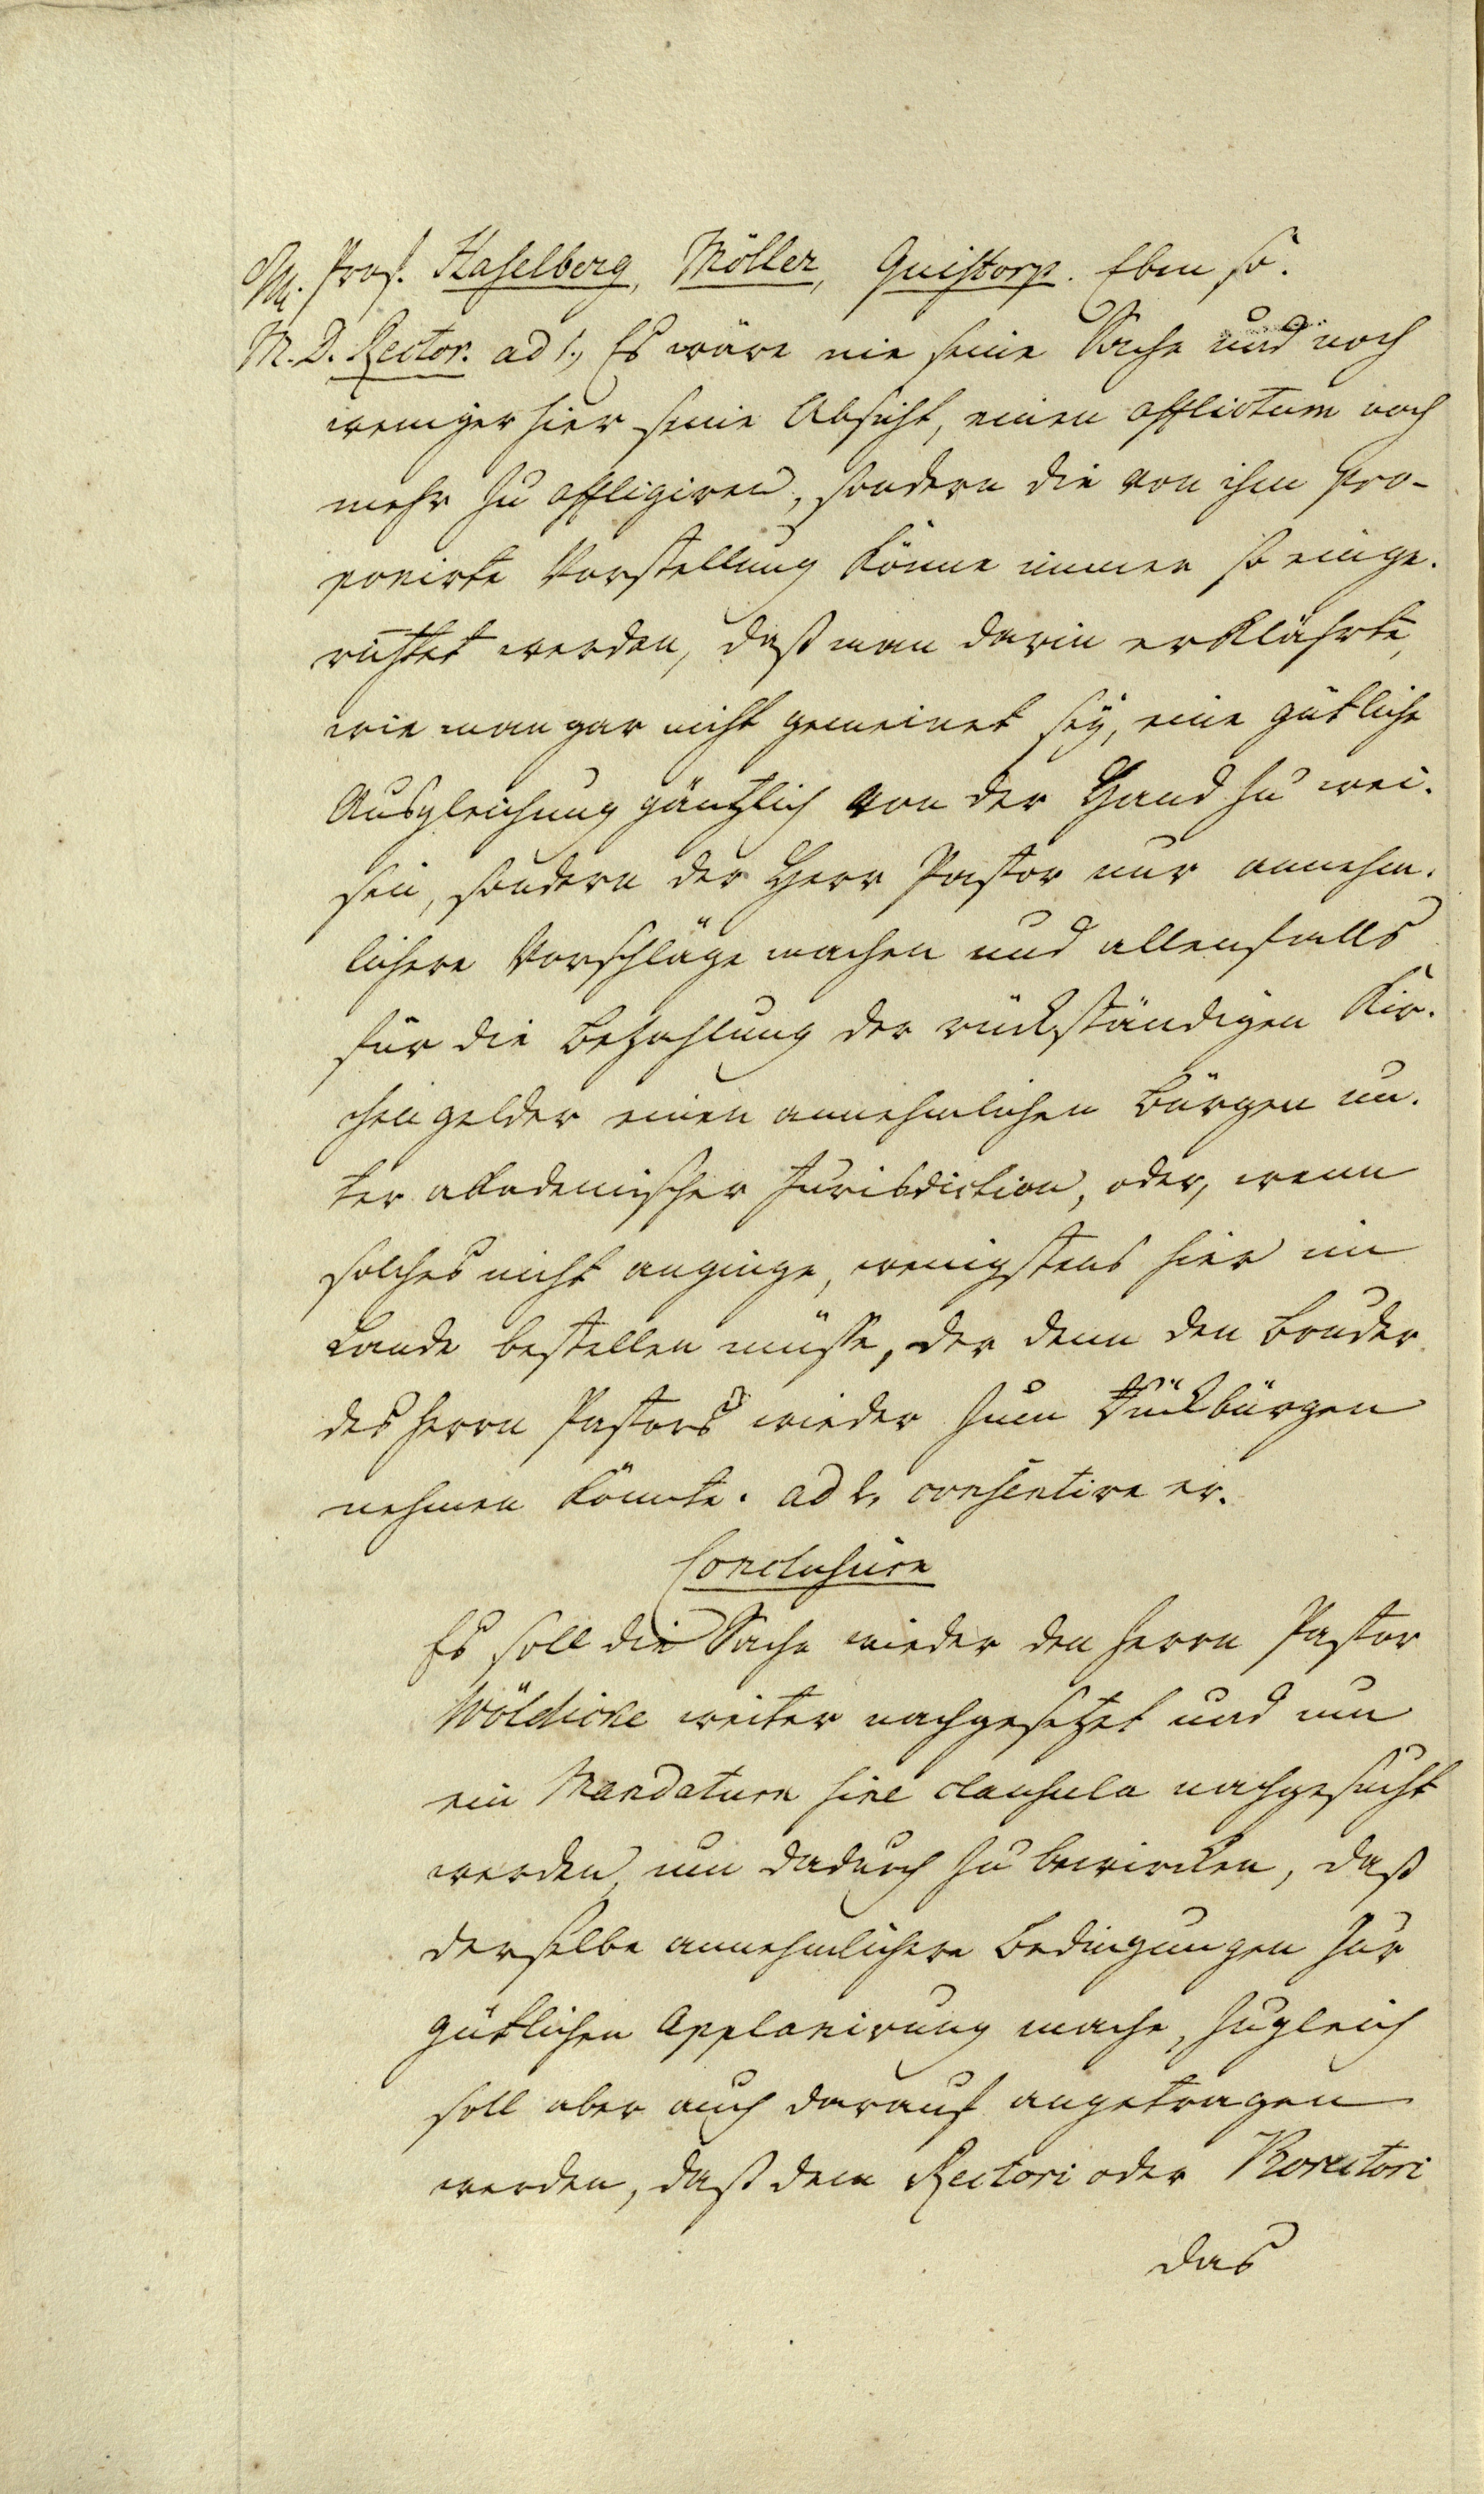dh. Prof. Haselberg, Möller, Quistorp. Eben so.
M. D. Rector. ad 1. Es wäre nie seine Sache und noch
weniger hier seine Absicht, einen offlictum noch
mehr zu offligiren, sondern die von ihm pro¬
ponirte Vorstellung könne immer so einge¬
richtet, werden, daß man darin erklährte,
wie man gar nicht gemeinet seÿ, eine gütliche
Ausgleichung gäntzlich von der Hand zu wei¬
sen, sondern der Herr Pastor nur annehm¬
lichere Vorschläge machen und allenfalls
für die Bezahlung der rückständigen Kir¬
chengelder einen annehmlichen Bürgen un¬
ter akademischer Jurisdiction, oder, wenn
solches nicht anginge, wenigstens hier im
Lande bestellen müsse, der denn den Bruder
des Herrn Pastors wieder zum Rückbürgen
nehmen könnte. ad 2., consentire er.
Conclusum
Es soll die Sache wieder den Herrn Pastor
Wöldicke weiter nachgesetzet und um
ein Mandatum sine clausula nachgesucht
werden, um dadurch zu bewircken, daß
derselbe annehmlichere Bedingungen zur
gütlichen Applanirung mache, zugleich
soll aber auch darauf angetragen
werden, daß dem Rectori oder Porectori
das